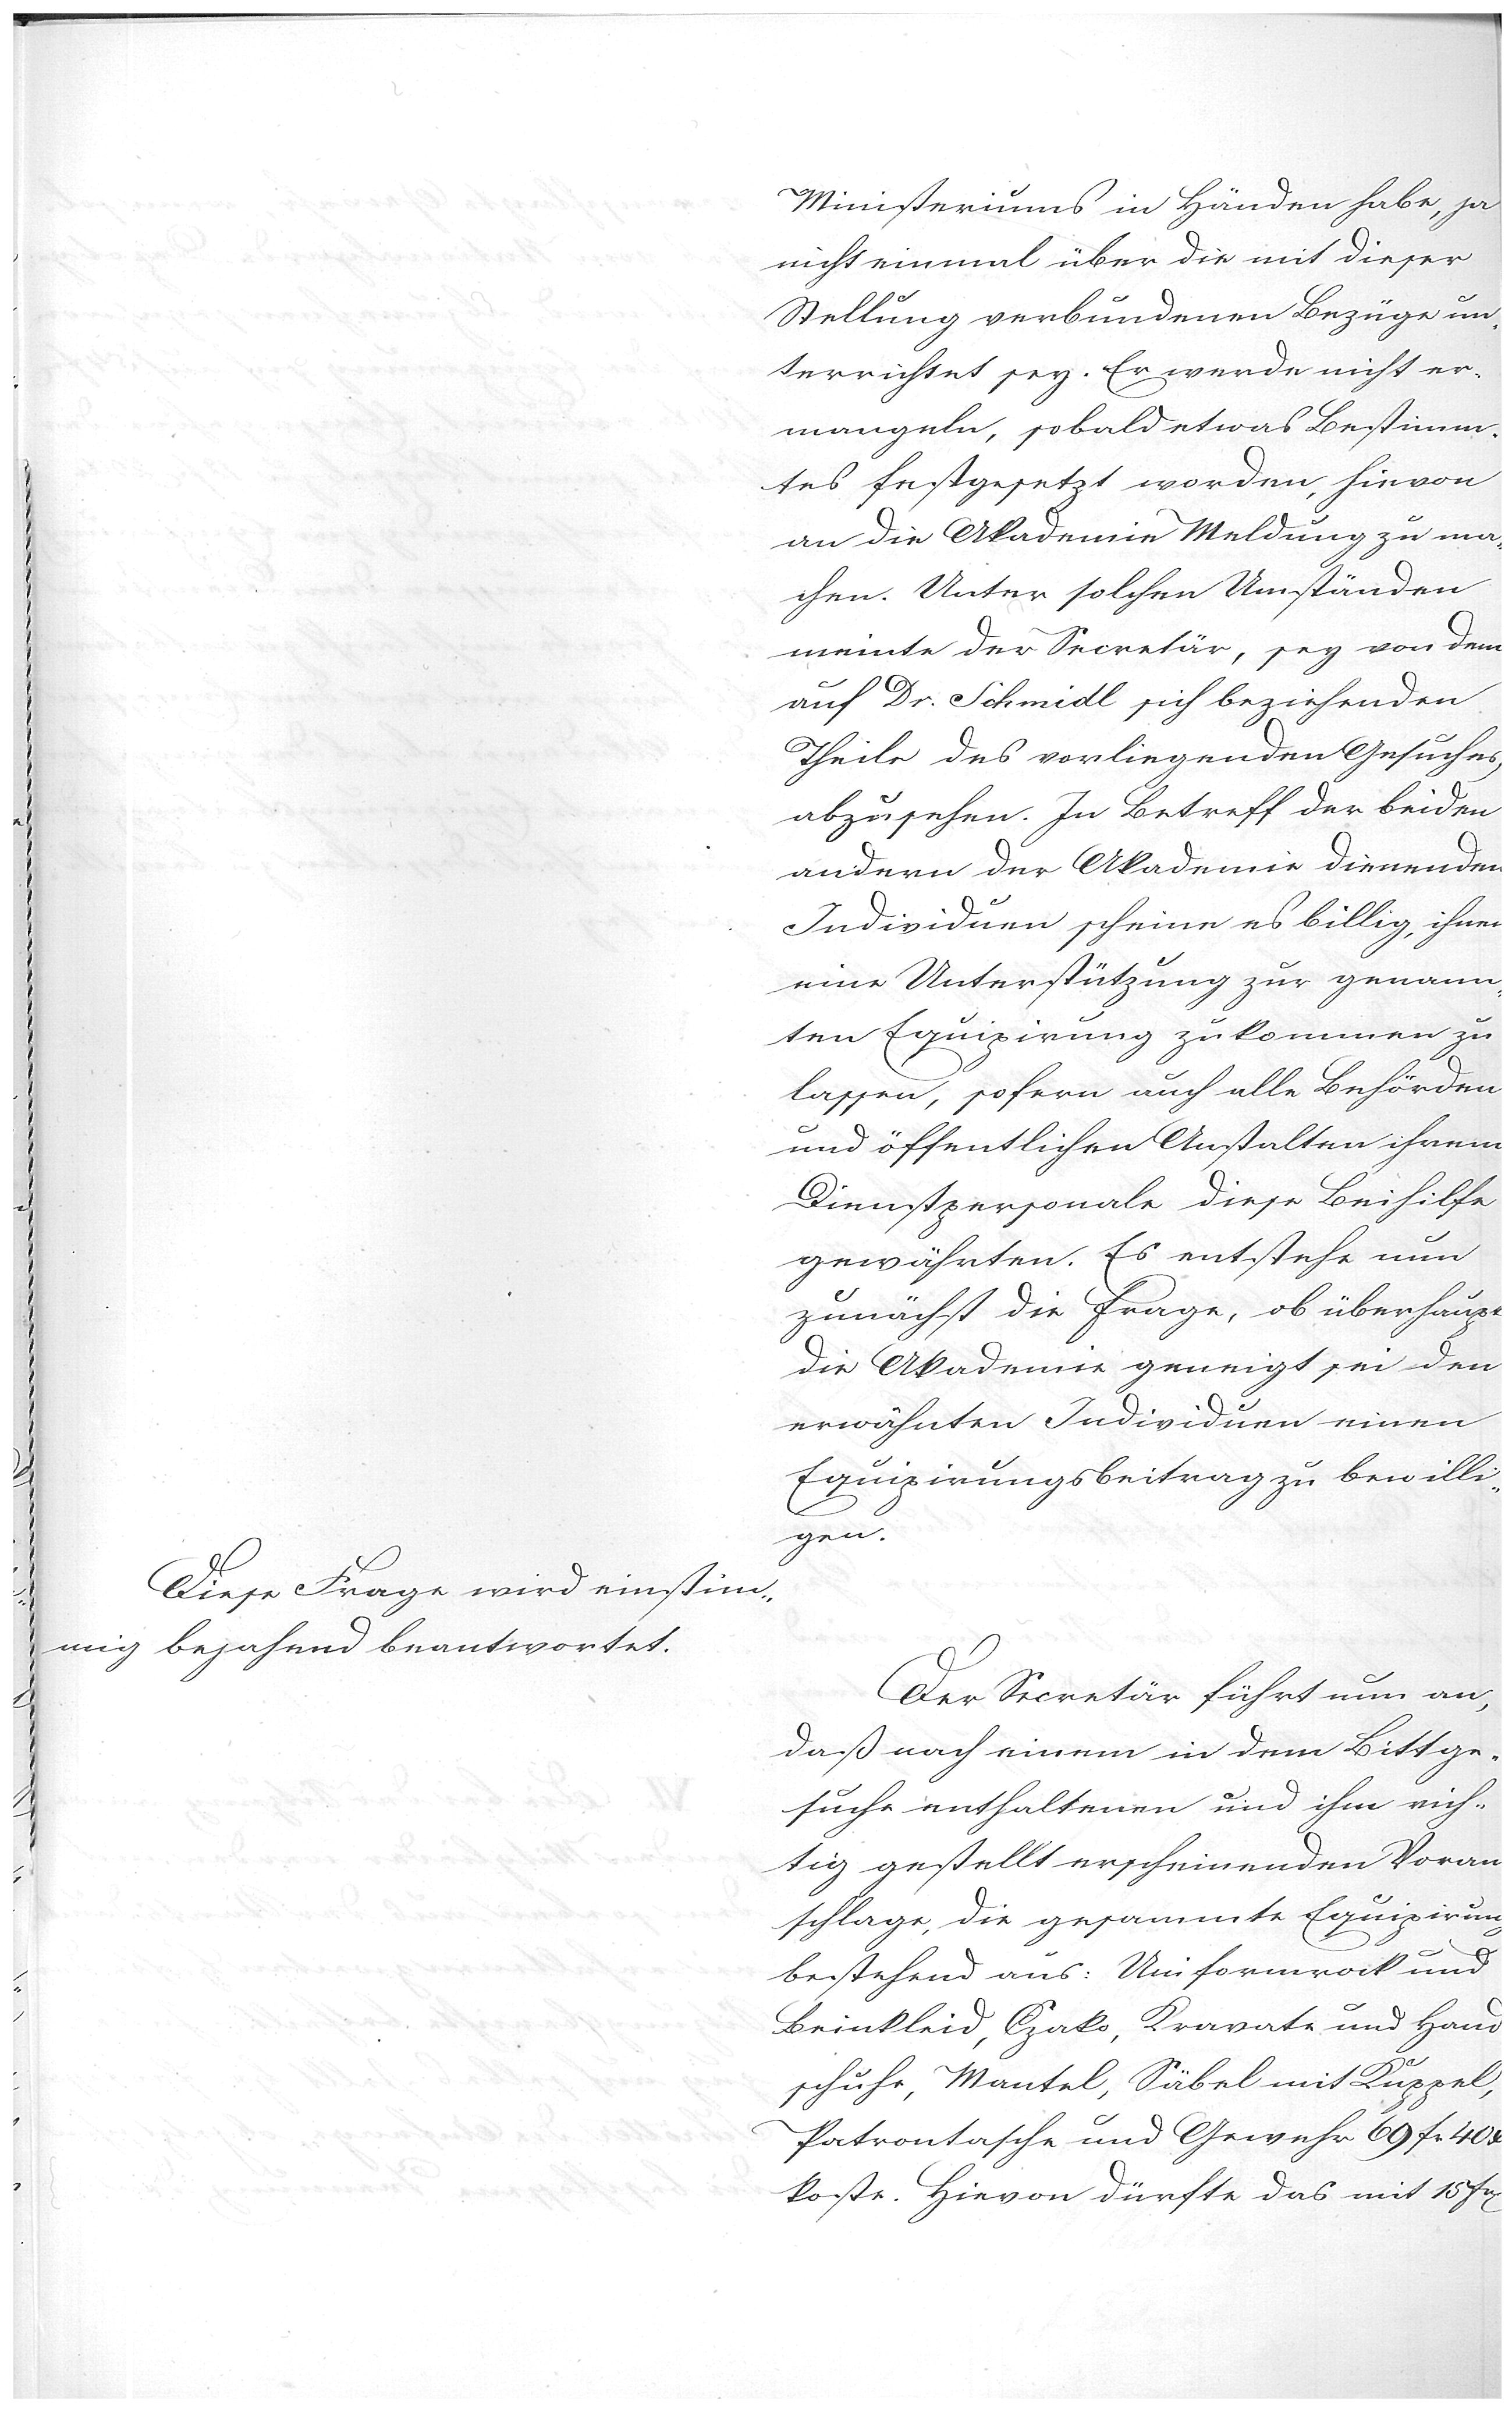Minsteriums in Händen habe, ja
nicht einmal über die mit dieser
Stellung verbundenen Bezüge un-
terrichtet sey. Er wende nicht er-
mangeln, sobald etwas Bestimm-
tes festgesetzt worden, hievon
an die Akademie Meldung zu ma-
chen. Unter solchen Umständen
meinte der Secretär, sey von dem
auf Dr. Schmidl sich beziehenden
Theile des vorliegenden Gesuches,
abzusehen. In Betreff der beiden
andern der Akademie dienenden
Individuen scheine es billig, ihnen
eine Unterstützung zur genann-
ten Equipirung zukommen zu
lassen, sofern auch alle Behörden
und öffentlichen Anstalten ihrem
Dienstpersonale diese Beihilfe
gewähnten. Es entsteht nun
zunächst die Frage, ob überhaupt
die Akademie geneigt sei, den
erwähnten Individuen einen
Equipirungsbeitrag zu bewilli-
gen.
Diese Frage wird einstim-
mig und bejahend beantwortet.
Der Secretär führt nun an,
daß nach einem in dem Bittege-
suche enthaltenen und ihm rich-
tig gestellt erscheinenden Voran-
schlage, die gesammte Equipirung,
bestehend aus: Uniformrock und
Beinkleid, Szako, Kravate und Hand-
schuhe, Mantel, Säbel mit Kuppel,
Patrontasche und Gewehr 69 fl 40 kr
koste. Hiervon dürfte das mit 15 fl